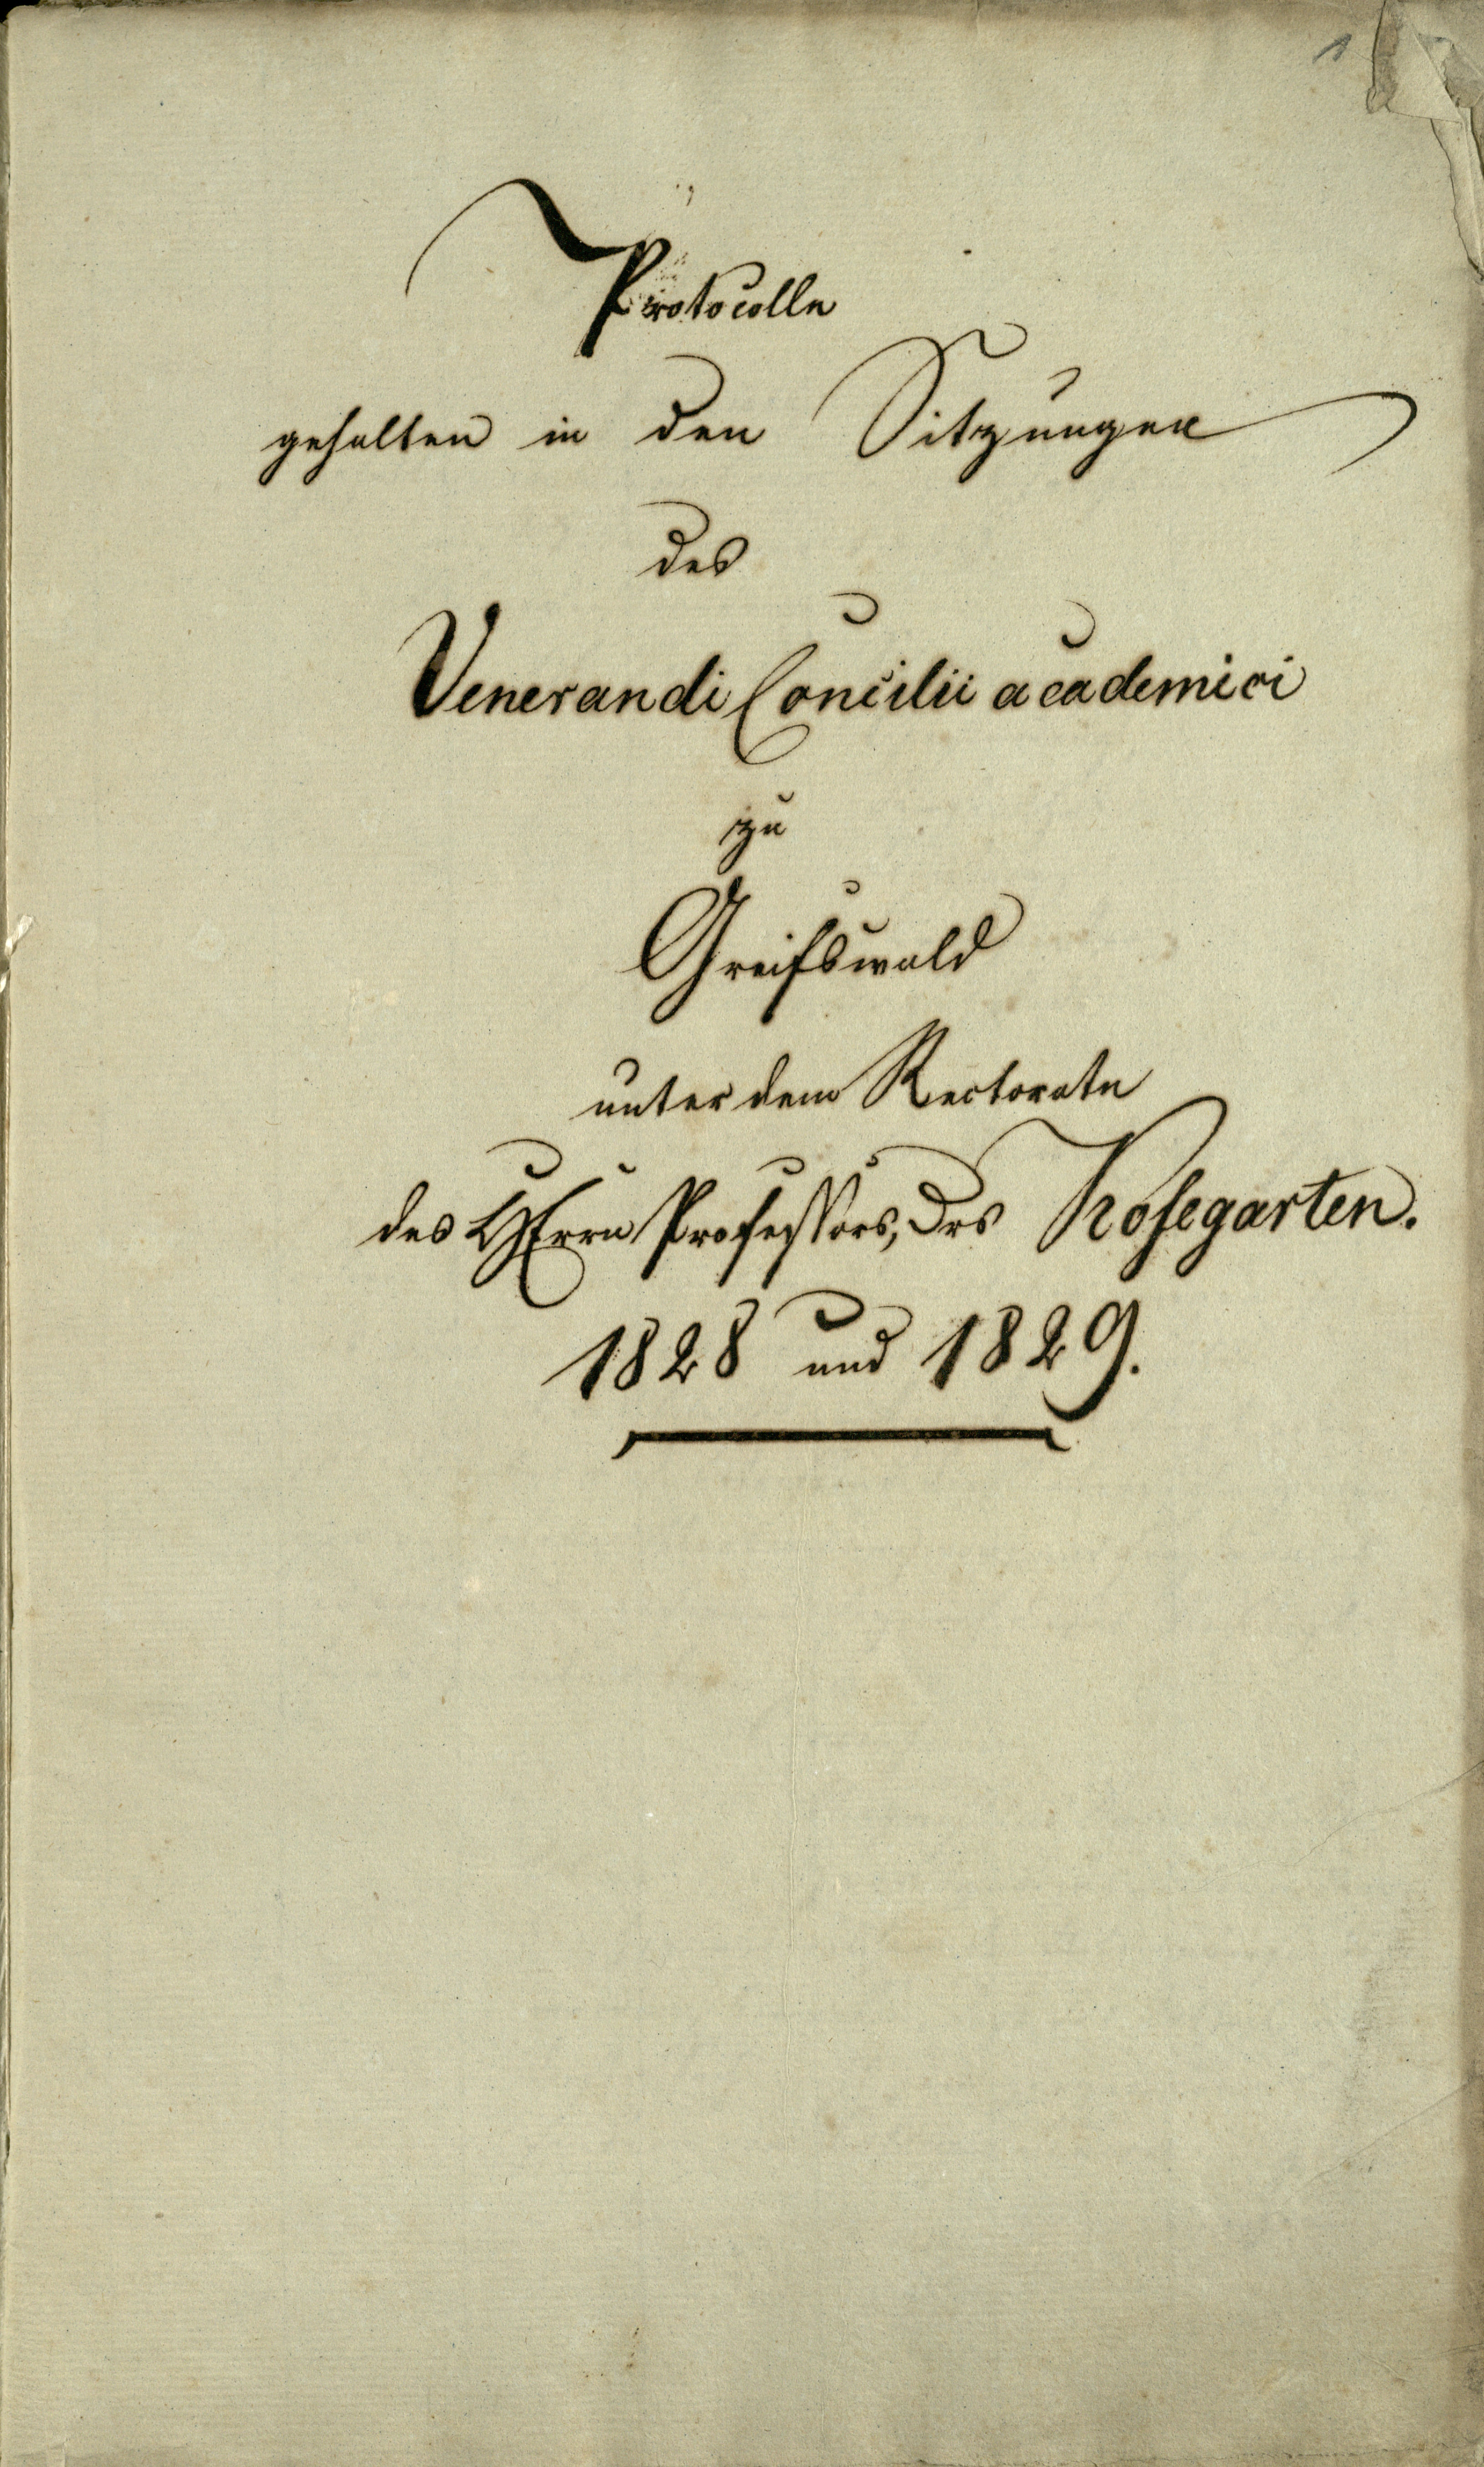Protocolle
gehalten in den Sitzungen
des
Venerandi Concilii academici
zu
Greifswald
unter dem Rectorate
des HErrn Professors, Drs Kosegarten.
1828 und 1829